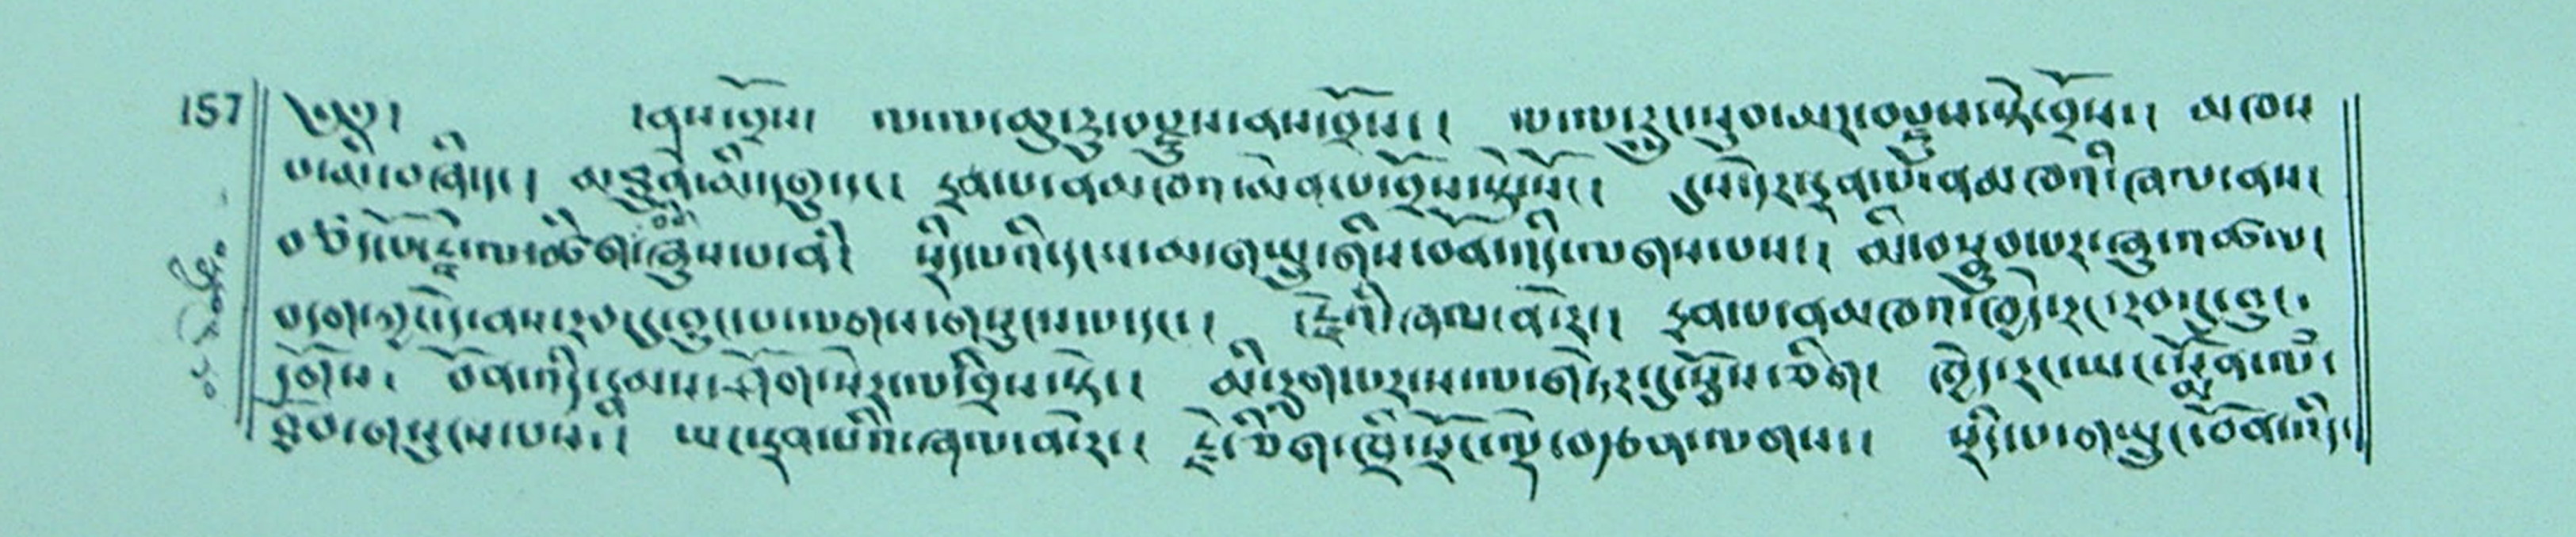༄༅། །ནས་བྲོས། ལ་ལ་ཆུ་རུ་བརྫུས་ནས་བྲོས། ལ་ལ་རླུང་འཚུབ་མར་བརྫུས་སྟེ་བྲོས། མཁས་
པ་མི་བཞི་དང་། མཐུ་ཆེན་མི་དགུ་དང་། དྲན་པ་ནམ་མཁའ་མིན་པ་བྲོས་ཏེ་སོང་། དུས་དེར་དྲན་པ་ནམ་མཁའི་ཞལ་ནས། 
བཙན་པོ་རྗེ་ལ་ཚིག་ཅིག་ཞུས་པ་ནི། སྲིད་པའི་དྭངས་མ་གཡུང་དྲུང་གི་བོན་འདི་ལགས་པས། མི་བསྣུབ་པར་ཞུ་འཚལ།
བདག་ཀྱང་དེ་ནས་རབ་ཏུ་བྱུང་བ་ལགས་གསུངས་པ་དང་། རྗེའི་ཞལ་ན་རེ། དྲན་པ་ནམ་མཁའ་ཁྱེད་རང་རབ་ཏུ་བྱུང་
དགོས། བོན་འདི་རྣམས་ཤོག་སེར་ལ་བྲིས་ཏེ། མི་བརླག་པར་ས་ལ་གཏེར་ཏུ་སྦོས་ཅིག ཁྱེད་རང་ཡང་སྨོན་ལམ་
ཐོབ་གསུངས་པས། ཡང་དྲན་པའི་ཞལ་ན་རེ། རྗེ་གཅིག་ཁྲི་སྲོང་ལྡེ་བཙན་ལགས། སྲིད་པ་གཡུང་དྲུང་བོན་འདི་